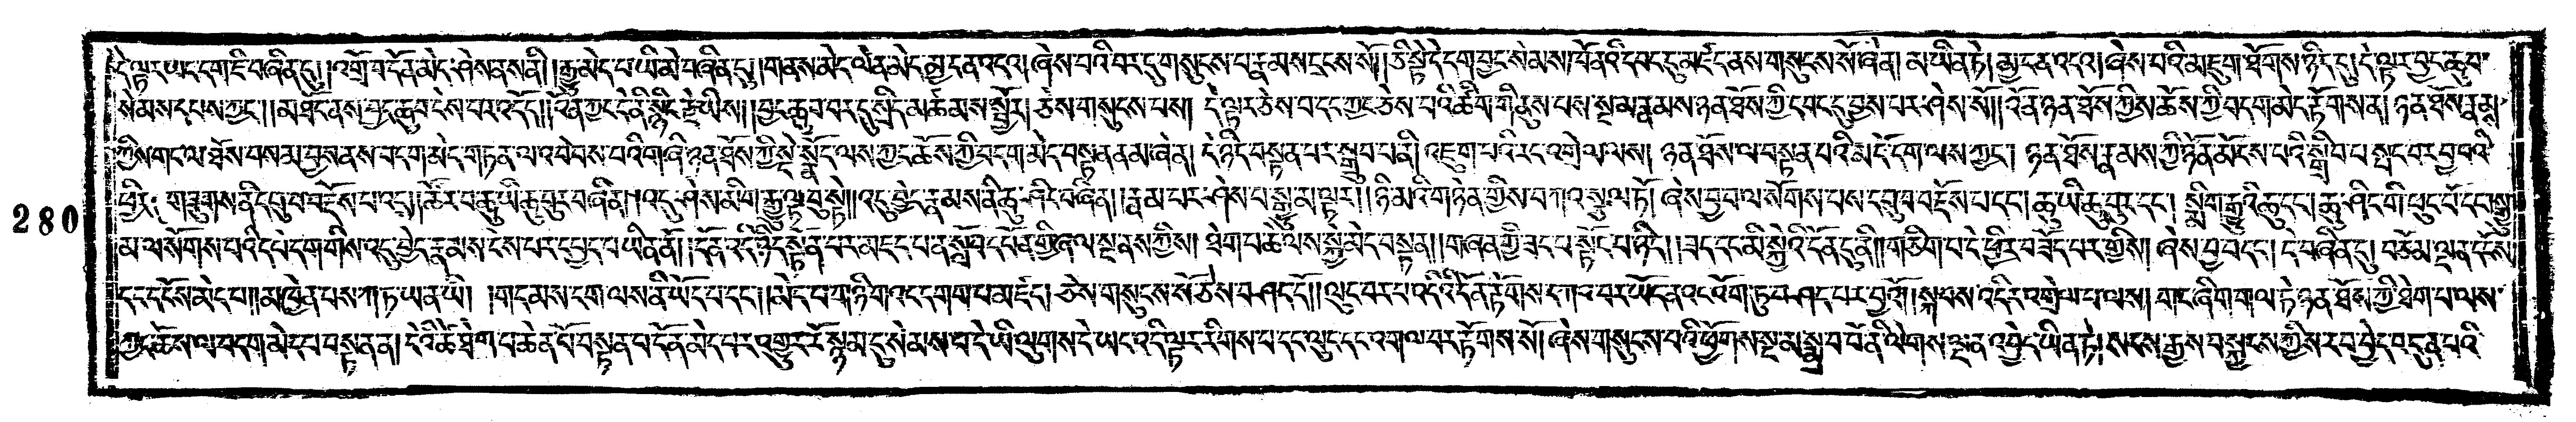དེ་ལྟར་ཡང་དག་ཇི་བཞིན་དུ། །འགྲོ་བ་དོན་མེད་ཤེས་ནས་ནི། །རྒྱུ་མེད་པ་ཡི་མེ་བཞིན་དུ། །གནས་མེད་ལེན་མེད་མྱ་ངན་འདའ། ཞེས་པའི་བར་དུ་གསུངས་པ་རྣམས་དྲངས་སོ། །ཅི་སྟེ་དེ་དག་བྱང་སེམས་ཁོ་ནའི་དབང་དུ་མཛད་ནས་གསུངས་སོ་ཞེ་ན། མ་ཡིན་ཏེ། མྱ་ངན་འདའ། ཞེས་པའི་མཇུག་ཐོགས་ཉིད་དུ། དེ་ལྟར་བྱང་ཆུབ་
སེམས་དཔས་ཀྱང་། །མཐོང་ནས་བྱང་ཆུབ་ངེས་བར་འདོད། །འོན་ཀྱང་དེ་ནི་སྙིང་རྗེ་ཡོས། །བྱང་ཆུབ་བར་དུ་སྲིད་མཚམས་སྦྱོར། ཅེས་གསུངས་པས། དེ་ལྟར་ཅེས་བ་དང་ཀྱང་ཅེས་པའི་ཚིག་གི་ནུས་པས་སྔ་མ་རྣམས་ཉན་ཐོས་ཀྱི་དབང་དུ་བྱས་པར་ཤེས་སོ། །འོ་ན་ཉན་ཐོས་ཀྱིས་ཆོས་ཀྱི་བདག་མེད་རྟོགས་ན། ཉན་ཐོས་རྣམས་
ཀྱིས་གང་ཝ་ཐོས་བསམ་བྱས་ནས་བདག་མེད་གཏན་ལ་འབེབས་བའི་གཞི་ཉན་ཐོས་ཀྱི་སྡེ་སྣོད་ལས་ཀྱང་ཆོས་ཀྱི་བདག་མེད་བསྟན་ན་མ་ཞེ་ན། དེ་ཉིད་བསྟན་པར་སྒྲུབ་པ་ནི། འཇུག་པའི་རང་འགྲེལ་ལས། ཉན་ཐོས་ལ་བསྟན་པའི་མདོ་དག་ལས་ཀྱང་། ཉན་ཐོས་རྣམས་ཀྱི་ཉོན་མོངས་པའི་སྒྲིབ་པ་སྤང་བར་བྱ་བའི་
ཕྱིར༑ གཟུགས་ནི་དབུ་བ་བརྡོས་པ་འདྲ། །ཚོར་བ་ཆུ་ཡི་ཆུ་བུར་བཞིན། །འདུ་ཤེས་མིག་རྒྱུ་ལྟ་བུ་སྟེ། །འདུ་བྱེད་རྣམས་ན་ཆུ་ཤིང་བཞིན། །རྣམ་པར་ཤེས་པ་སྒྱུ་མ་ལྟར། །ཉི་མའི་གཉེན་གྱིས་བཀའ་སྩལ་ཏོ། ཞེས་བྱ་བ་ལ་སོགས་པས་དབུ་བ་བརྡོས་པ་དང་། ཆུ་ཡི་ཆུ་བུར་དང་། སྨིག་རྒྱུའི་ཆུ་དང་། ཆུ་ཤིང་གི་ཕུང་པོ་དང་། སྒྱུ་
མ་ལ་སོགས་པའི་དཔེ་དག་གིས་འདུ་བྱེད་རྣམས་ངེས་པར་དཔྱད་པ་ཡིན་ནོ། །དོན་འདི་ཉིད་སྟོན་པར་མཛད་པ་ན་སློབ་དཔོན་གྱི་ཞལ་སྔ་ནས་ཀྱིས། ཐེག་པ་ཆེ་ལས་སྐྱེ་མེད་བསྟན། །གཞན་གྱི་ཟང་པ་སྟོང་པ་ཉིད། །ཟད་དང་མི་སྐྱེའི་དོན་དུ་ནི། །གཅིག་པ་དེ་ཕྱིར་བཟོད་པར་གྱིས། ཞེས་བྱ་བ་དང་། དེ་བཞིན་དུ། བཅོམ་ལྡན་དངོས་
དང་དངོས་མེད་པ། །མཁྱེན་པས་ཀ་ཏ་ཡ་ན་ཡི། །གདམས་དག་ལས་ནི་ཡོད་པ་དང་། །མེད་པ་གཉི་གའང་དགག་པ་མཛད། ཅེས་གསུངས་སོ་ཅེས་བཤད་དོ། །ལུང་བར་པ་འདིའི་དོན་རྟོགས་དཀའ་བར་ཡོད་ནའང་འོག་ཏུ་བཤད་པར་བྱའོ། །སྐབས་འདིར་འགྲེལ་པ་ལས། གང་ཞིག་གལ་ཏེ་ཉན་ཐོས་ཀྱི་ཐེག་པ་ལས་
ཀྱང་ཆོས་ལ་བདག་མེད་བ་བསྟན་ན། དེའི་ཚེ་ཐེག་པ་ཆེན་པོ་བསྟན་པ་དོན་མེད་པར་འགྱུར་རོ་སྙམ་དུ་སེམས་པ་དེ་ཡི་ལུགས་དེ་ཡང་འདི་ལྟར་རིགས་པ་དང་ལུང་དང་འགལ་བར་རྟོགས་སོ། ཞེས་གསུངས་པའི་ཕྱོགས་སྔ་མ་སྨྲ་བ་པོ་ནི་ལེགས་ལྡན་འབྱེད་ཡིན་ཏེ། སངས་རྒྱས་བསྐྱངས་ཀྱིས་རབ་བྱེད་བདུན་པའི་